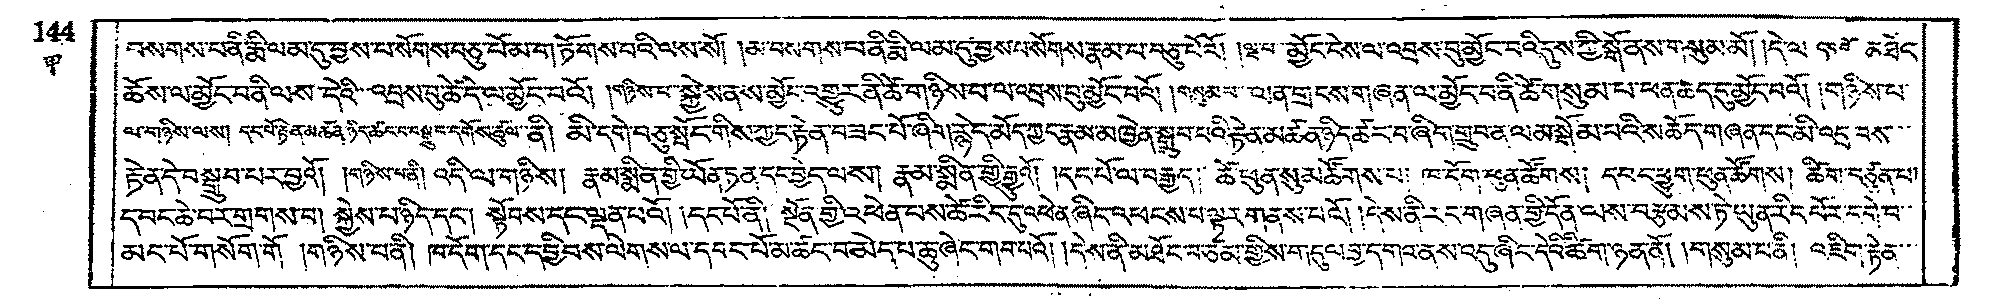བསགས་པ་ནི་རྨི་ལམ་དུ་བྱས་པ་སོགས་བཅུ་པོ་མ་གཏོགས་པའི་ལས་སོ། །མ་བསགས་པ་ནི་རྨི་ལམ་དུ་བྱས་པ་སོགས་རྣམ་པ་བཅུ་པོའོ། །ལྔ་པ་མྱོང་ངེས་ལ་འབྲས་བུ་མྱོང་བའི་དུས་ཀྱི་སྒོ་ནས་གསུམ་མོ། །དེ་ལ་དང་བོ་?་མཐོང་
ཆོས་ལ་མྱོང་བ་ནི་ལས་དེའི་འབྲས་བུ་ཚེ་དེ་ལ་མྱོང་བའོ། །གཉིས་པ་སྐྱེས་ནས་མྱོང་འགྱུར་ནི་ཚེ་གཉིས་པ་ལ་འབྲས་བུ་མྱོང་བའོ། །གསུམ་པལན་གྲངས་གཞན་ལ་མྱོང་བ་ནི་ཚེ་གསུམ་པ་ཕན་ཆད་དུ་མྱོང་བའོ། །གཉིས་པ་
ལ་གཉིས་ལས། དང་པོ་རྟེན་མཚན་ཉིད་ཚང་བ་བསྒྲུབ་དགོས་ཚུལནི། མི་དགེ་བཅུ་སྤོང་གིས་ཀྱང་རྟེན་བཟང་པོ་ཞིག་རྙེད་མོད་ཀྱང་རྣམ་མཁྱེན་སྒྲུབ་པའི་རྟེན་མཚན་ཉིད་ཚང་བ་ཞིག་གྲུབ་ན་ལམ་སྒོམ་པའི་ས་ཆོད་གཞན་དང་མི་འདྲ་བས་
རྟེན་དེ་བསྒྲུབ་པར་བྱའོ། །གཉིས་པ་ནི།  འདི་ལ་གཉིས། རྣམ་སྨིན་གྱི་ཡོན་ཏན་དང་བྱེད་ལས། རྣམ་སྨིན་གྱི་རྒྱུའོ། །དང་པོ་ལ་བརྒྱད། ཚེ་ཕུན་སུམ་ཚོགས་པ། ཁ་དོག་ཕུན་ཚོགས། དབང་ཕྱུག་ཕུན་ཚོགས། ཚིག་བཙུན་པ།
དབང་ཆེ་བར་གྲགས་པ། སྐྱེས་པ་ཉིད་དང་། སྟོབས་དང་ལྡན་པའོ། །དང་པོ་ནི། སྔོན་གྱི་འཕེན་པས་ཚེ་རིང་དུ་འཕེན་ཞིང་འཕངས་པ་ལྟར་གནས་པའོ། །དེས་ནི་རང་གཞན་གྱི་དོན་ལས་བརྩམས་ཏེ་ཡུན་རིང་པོར་དགེ་བ་
མང་པོ་གསོག་གོ། །གཉིས་པ་ནི། ཁ་དོག་དང་དབྱིབས་ལེགས་ལ་དབང་པོ་མ་ཚང་བ་མེད་པ་ཆུ་ཞེང་གབ་པའོ། །དེས་ནི་མཐོང་བ་ཙམ་གྱིས་གདུལ་བྱ་དགའ་ནས་འདུ་ཞིང་དེའི་ཚིག་ཉན་ནོ། །གསུམ་པ་ནི། འཇིག་རྟེན་